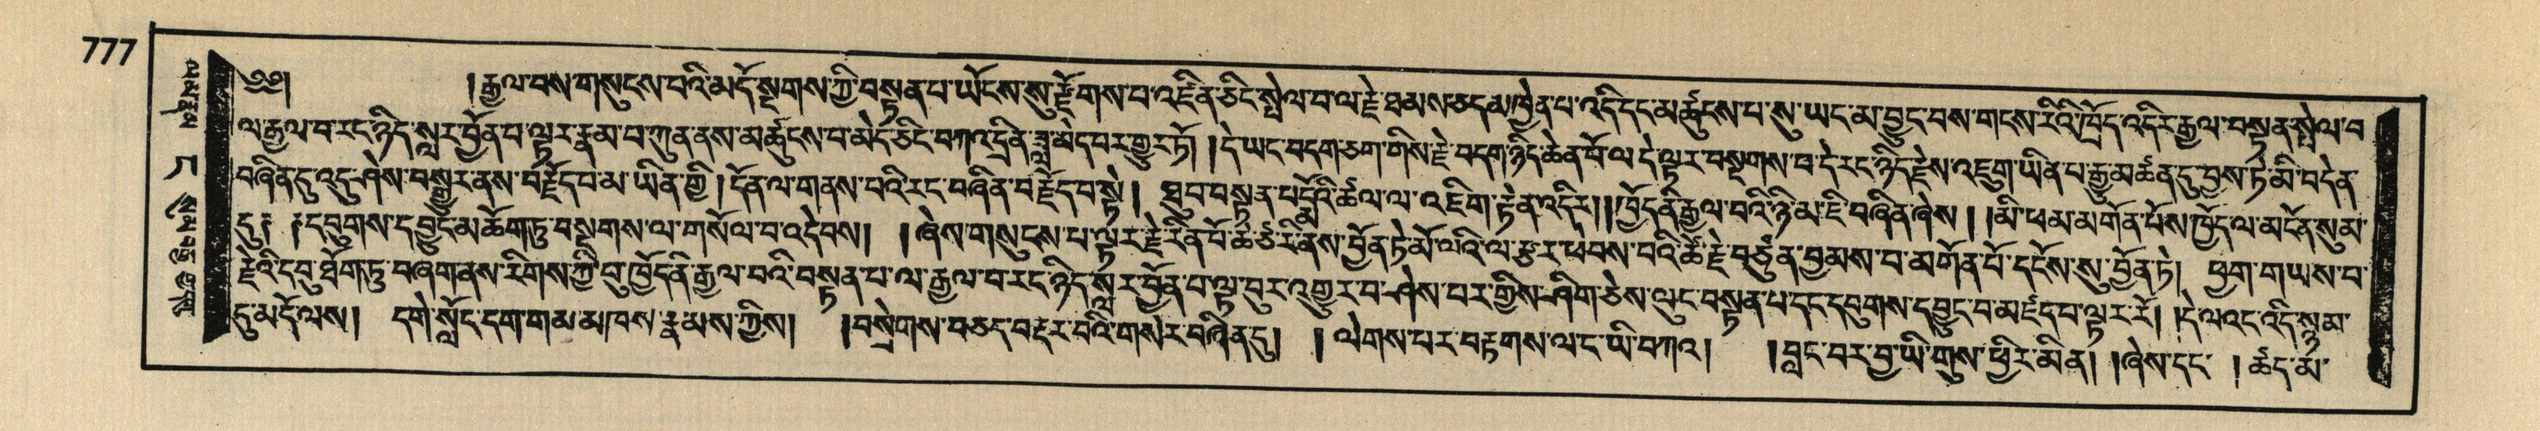༄༅། །རྒྱལ་བས་གསུངས་པའི་མདོ་སྔགས་ཀྱི་བསྟན་པ་ཡོངས་སུ་རྫོགས་པ་འཛིན་ཅིང་སྤེལ་བ་ལ་རྗེ་ཐམས་ཅད་མཁྱེན་པ་འདི་དང་མཚུངས་པ་སུ་ཡང་མ་བྱུང་བས་གངས་རིའི་ཁྲོད་འདིར་རྒྱལ་བསྟན་སྤེལ་བ་
ལ་རྒྱལ་བ་རང་ཉིད་སླར་བྱོན་པ་ལྟར་རྣམ་པ་ཀུན་ནས་མཚུངས་པ་མེད་ཅིང་བཀའ་དྲིན་ཟླ་མེད་པར་གྱུར་ཏོ། །དེ་ཡང་བདག་ཅག་གིས་རྗེ་བདག་ཉིད་ཆེན་པོ་ལ་དེ་ལྟར་བསྔགས་བ་དེ་རང་ཉིད་རྗེས་འཇུག་ཡིན་པ་གྱུ་མཚན་དུ་བྱས་ཏེ་མི་བདེན་
བཞིན་དུ་འདུ་ཤེས་བསྒྱུར་ནས་བརྗོད་བ་མ་ཡིན་གྱི། དོན་ལ་གནས་པའི་རང་བཞིན་བརྗོད་བ་སྟེ། ཐུབ་བསྟན་པདམོའི་ཚལ་ལ་འཇིག་རྟེན་འདིར། །ཁྱོད་ནི་རྒྱལ་བའི་ཉི་མ་ཇི་བཞིན་ཞེས། །མི་ཕམ་མགོན་པོས་ཁྱོད་ལ་མངོན་སུམ་
དུ༑ ༑དབུགས་དབྱུང་མཆོག་ཏུ་བསྔགས་ལ་གསོལ་བ་འདེབས། །ཞེས་གསུངས་པ་ལྟར་རྗེ་རིན་པོ་ཆེ་ཙ་རི་ནས་བྱོན་ཏེ་མོ་ལའི་ལ་རྩར་ཕེབས་པའི་ཚེ་རྗེ་བཙུན་བྱམས་པ་མགོན་པོ་དངོས་སུ་བྱོན་ཏེ། ཕྱག་གཡས་བ་
རྗེའི་དབུ་ཐོག་ཏུ་བཞག་ནས་རིགས་ཀྱི་བུ་ཁྱོད་ནི་རྒྱལ་བའི་བསྟན་པ་ལ་རྒྱལ་བ་རང་ཉིད་སླར་བྱོན་པ་ལྟ་བུར་འགྱུར་བ་ཤེས་པར་གྱིས་ཤིག་ཅེས་ལུང་བསྟན་པ་དང་དབུགས་དབྱུང་བ་མཛད་པ་ལྟར་རོ། །དེ་ལའང་འདི་སྙམ་
དུ་མདོ་ལས། དགེ་སློང་དག་གམ་མཁས་རྣམས་ཀྱིས། །བསྲེགས་བཅད་བརྡར་བའི་གསེར་བཞིན་དུ། །ལེགས་པར་བརྟགས་ལ་ང་ཡི་བཀའ། །བླང་བར་བྱ་ཡི་གུས་ཕྱིར་མིན། །ཞེས་དང་། །ཚད་མ་